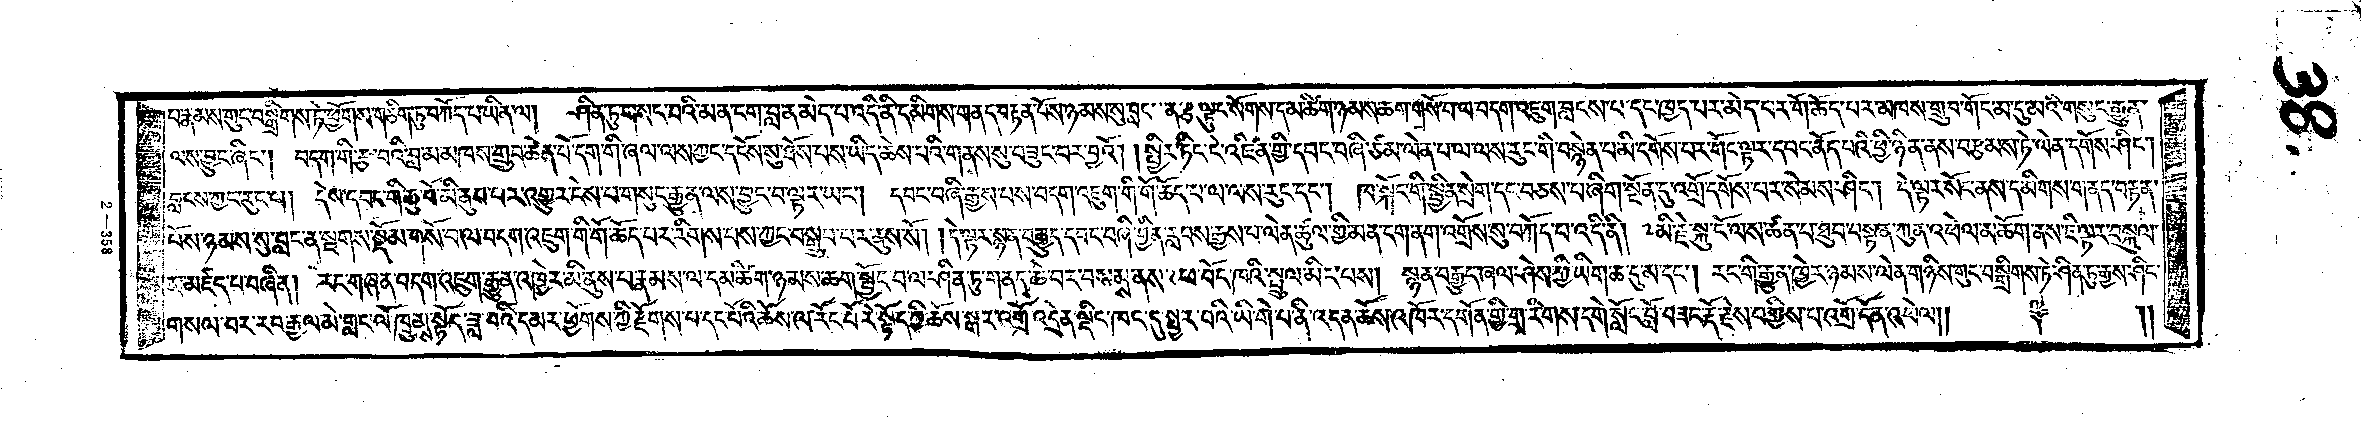པ་རྣམས་གུང་བསྒྲིགས་ཏེ་ཕྱོགས་གཅིག་ཏུ་བཀོད་པ་ཡིན་ལ། ཤིན་ཏུ་གསང་བའི་མན་ངག་བླ་ན་མེད་པ་འདི་ནི་དམིགས་གནད་བརྟན་པོས་ཉམས་སུ་བླང་ན་རྩ་ལྟུང་སོགས་དམ་ཚིག་ཉམས་ཆག་གསོ་བ་ལ་བདག་འཇུག་བླངས་པ་དང་ཁྱད་པར་མེད་པར་གོ་ཆོད་པར་མཁས་གྲུབ་གོང་མ་དུ་མའི་གསུང་རྒྱུན་
ལས་བྱུང་ཞིང་། བདག་གི་རྩ་བའི་བླ་མ་མཁས་གྲུབ་ཆེན་པོ་དག་གི་ཞལ་ལས་ཀྱང་དངོས་སུ་ཐོས་པས་ཡིད་ཆེས་པའི་གནས་སུ་བཟུང་བར་བྱའོ། །སྤྱིར་ཏིང་ངེ་འཛིན་གྱི་དབང་བཞི་ཙམ་ལེན་པ་ལ་ལས་རུང་གི་བསྙེན་པ་མི་དགོས་པར་གོང་ལྟར་དབང་ནོད་པའི་ཕྱི་ཉིན་ནས་བརྩམས་ཏེ་ལེན་དགོས་ཤིང་།
བླངས་ཀྱང་རུང་པ། དེས་དབང་གི་ཆུ་བོ་མི་ནུས་པར་འགྱུར་ངེས་པ་གསུང་རྒྱུན་ལས་བྱུང་བ་ལྟར་ཡང་། དབང་བཞི་རྒྱས་པས་བདག་འཇུག་གི་གོ་ཆོད་པ་ལ་ལས་རུང་དང་། ཁ་སྐོང་གི་སྦྱིན་སྲེག་དང་བཅས་པ་ཞིག་སྔོན་དུ་འགྲོ་དགོས་པར་སེམས་ཤིང་། དེ་ལྟར་སོང་ནས་དམིགས་གནད་བརྟན་
པོས་ཉམས་སུ་བླང་ན་སྔགས་སྡོམ་གསོ་བ་ལ་བདག་འཇུག་གི་གོ་ཆོད་པར་རིགས་པས་ཀྱང་བསྒྲུབ་བར་ནུས་སོ། །དེ་ལྟར་སྙན་བརྒྱུད་དབང་བཞི་བྱིན་རླབས་རྒྱས་པ་ལེན་ཚུལ་གྱི་མན་ངག་ནག་འགྲོས་སུ་བཀོད་པ་འདི་ནི། ༧མི་རྗེ་སྐུ་ངོ་ལས་ཚན་པ་ཐུབ་བསྟན་ཀུན་འཕེལ་མཆོག་ནས་ཇི་ལྟར་བསྐུལ་
མ་མཛད་པ་བཞིན། རང་གཞན་བདག་འཇུག་རྒྱུན་འཁྱེར་མི་ནུས་པ་རྣམས་ལ་དམ་ཚིག་ཉམས་ཆག་སྦྱོང་བ་ལ་ཤིན་ཏུ་གནད་ཆེ་བར་བསམས་ནས་ཕ་བོང་ཁའི་སྤྲུལ་མིང་པས། སྙན་བརྒྱུད་ཞལ་ཤེས་ཀྱི་ཡིག་ཆ་དུ་མ་དང་། རང་གི་རྒྱུན་ཁྱེར་ཉམས་ལེན་གཉིས་གུང་བསྒྲིགས་ཏེ་ཤིན་ཏུ་རྒྱས་ཤིང་
གསལ་བར་རབ་རྒྱལ་མེ་གླང་ལོ་ཁྲུམས་སྟོད་ཟླ་བའི་དམར་ཕྱོགས་ཀྱི་རྫོགས་པ་དང་པོའི་ཆོས་ལ་རོང་པོ་རེ་སྟོད་ཀྱི་ཆོས་སྒར་འགྲོ་འདྲེན་ལྡིང་ཁང་དུ་སྦྱར་པའི་ཡི་གེ་པ་ནི་འདན་ཆོས་འཁོར་དགོན་གྱི་གྲ་རིགས་དགེ་སློང་བློ་བཟང་རྡོ་རྗེས་བགྱིས་པ་འགྲོ་དོན་འཕེལ།། ༈ །།